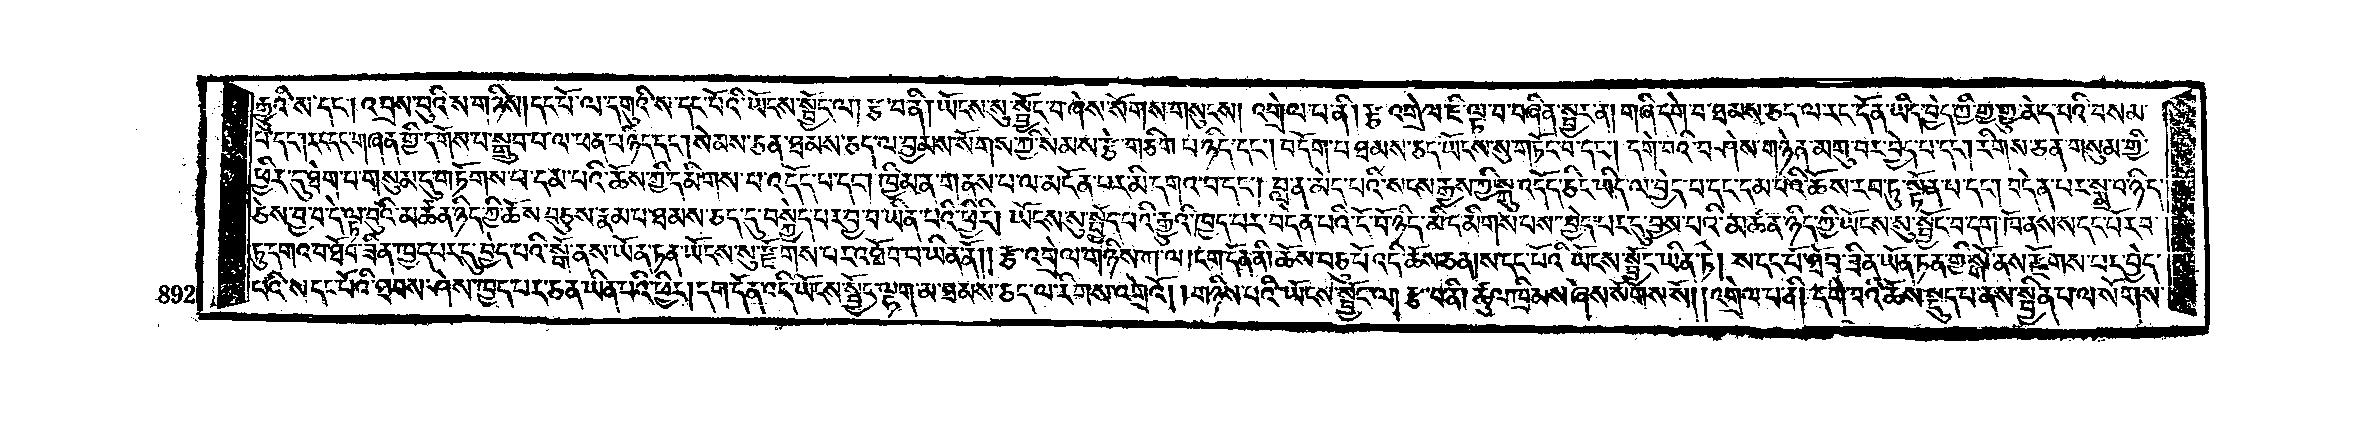རྒྱུའི་ས་དང་། འབྲས་བུའི་ས་གཉིས། དང་པོ་ལ་དགུའི་ས་དང་པོའི་ཡོངས་སྦྱོང་ལ། རྩ་བ་ནི། ཡོངས་སུ་སྦྱོང་བ་ཞེས་སོགས་གསུངས། འགྲེལ་པ་ནི། རྩ་འགྲེལ་ཇི་ལྟ་བ་བཞིན་སྦྱར་ན། གཞི་དགེ་བ་ཐམས་ཅད་ལ་རང་དོན་ཡིད་བྱེད་ཀྱི་གྱ་གྱུ་མེད་པའི་བསམ་
པ་དང་། རང་དང་གཞན་གྱི་དགོས་པ་སྒྲུབ་པ་ལ་ཕན་པ་ཉིད་དང་། སེམས་ཅན་ཐམས་ཅད་ལ་བྱམས་སོགས་ཀྱི་སེམས་རྩེ་གཅིག་པ་ཉིད་དང་། བདོག་པ་ཐམས་ཅད་ཡོངས་སུ་གཏོང་བ་དང་། དགེ་བའི་བཤེས་གཉེན་མགུ་བར་བྱེད་པ་དང་། རིགས་ཅན་གསུམ་གྱི་
ཕྱིར་དུ་ཐེག་པ་གསུམ་དུ་གཏོགས་པ་དམ་པའི་ཆོས་ཀྱི་དམིགས་པ་འདོད་པ་དང་། ཁྱིམ་ན་གནས་པ་ལ་མངོན་པར་མི་དགའ་བ་དང་། བླ་ན་མེད་པའི་སངས་རྒྱས་ཀྱི་སྐུ་འདོད་ཅིང་ཡིད་ལ་བྱེད་པ་དང་དམ་པའི་ཆོས་རབ་ཏུ་སྟོན་པ་དང་། བདེན་པར་སྨྲ་བ་ཉིད་
ཅེས་བྱ་བ་དེ་ལྟ་བུའི་མཚན་ཉིད་ཀྱི་ཆོས་བཅུས་རྣམ་པ་ཐམས་ཅད་དུ་བསྐྱེད་པར་བྱ་བ་ཡིན་པའི་ཕྱིར་རོ། ཡོངས་སུ་སྤྱོད་པའི་རྒྱུའི་ཁྱད་པར་བདེན་པའི་ངོ་བོ་ཉིད་མི་དམིགས་པས་བྱེད་པར་དུ་བྱས་པའི་མཚན་ཉིད་ཀྱི་ཡོངས་སུ་སྦྱོང་བ་དག་ཁོ་ནས་ས་དང་པོ་རབ་
ཏུ་དགའ་བ་ཐོབ་ཟིན་ཁྱད་པར་དུ་བྱེད་པའི་སྒོ་ནས་ཡོན་ཏན་ཡོངས་སུ་རྫོགས་པར་འཐོབ་པ་ཡིན་ནོ། །རྩ་འགྲེལ་གཉིས་ཀ་ལ། ངག་དོན་ནི། ཆོས་བཅུ་པོ་འདི་ཆོས་ཅན། ས་དང་པོའི་ཡོངས་སྦྱོང་ཡིན་ཏེ། ས་དང་པོ་ཐོབ་ཟིན་ཡོན་ཏན་གྱི་སྒོ་ནས་རྫོགས་པར་བྱེད་
པའི་ས་དང་པོའི་ཐབས་ཤེས་ཁྱད་པར་ཅན་ཡིན་པའི་ཕྱིར། དག་དོན་འདི་ཡོངས་སྦྱོང་ལྷག་མ་ཐམས་ཅད་ལ་རིགས་འགྲེའོ། །གཉིས་པའི་ཡོངས་སྦྱོང་ལ། རྩ་བ་ནི། ཚུལ་ཁྲིམས་ཞེས་སོགས་སོ། །འགྲེལ་པ་ནི། དགེ་བའི་ཆོས་སྡུད་པ་ནས་སྦྱིན་པ་ལ་སོགས་